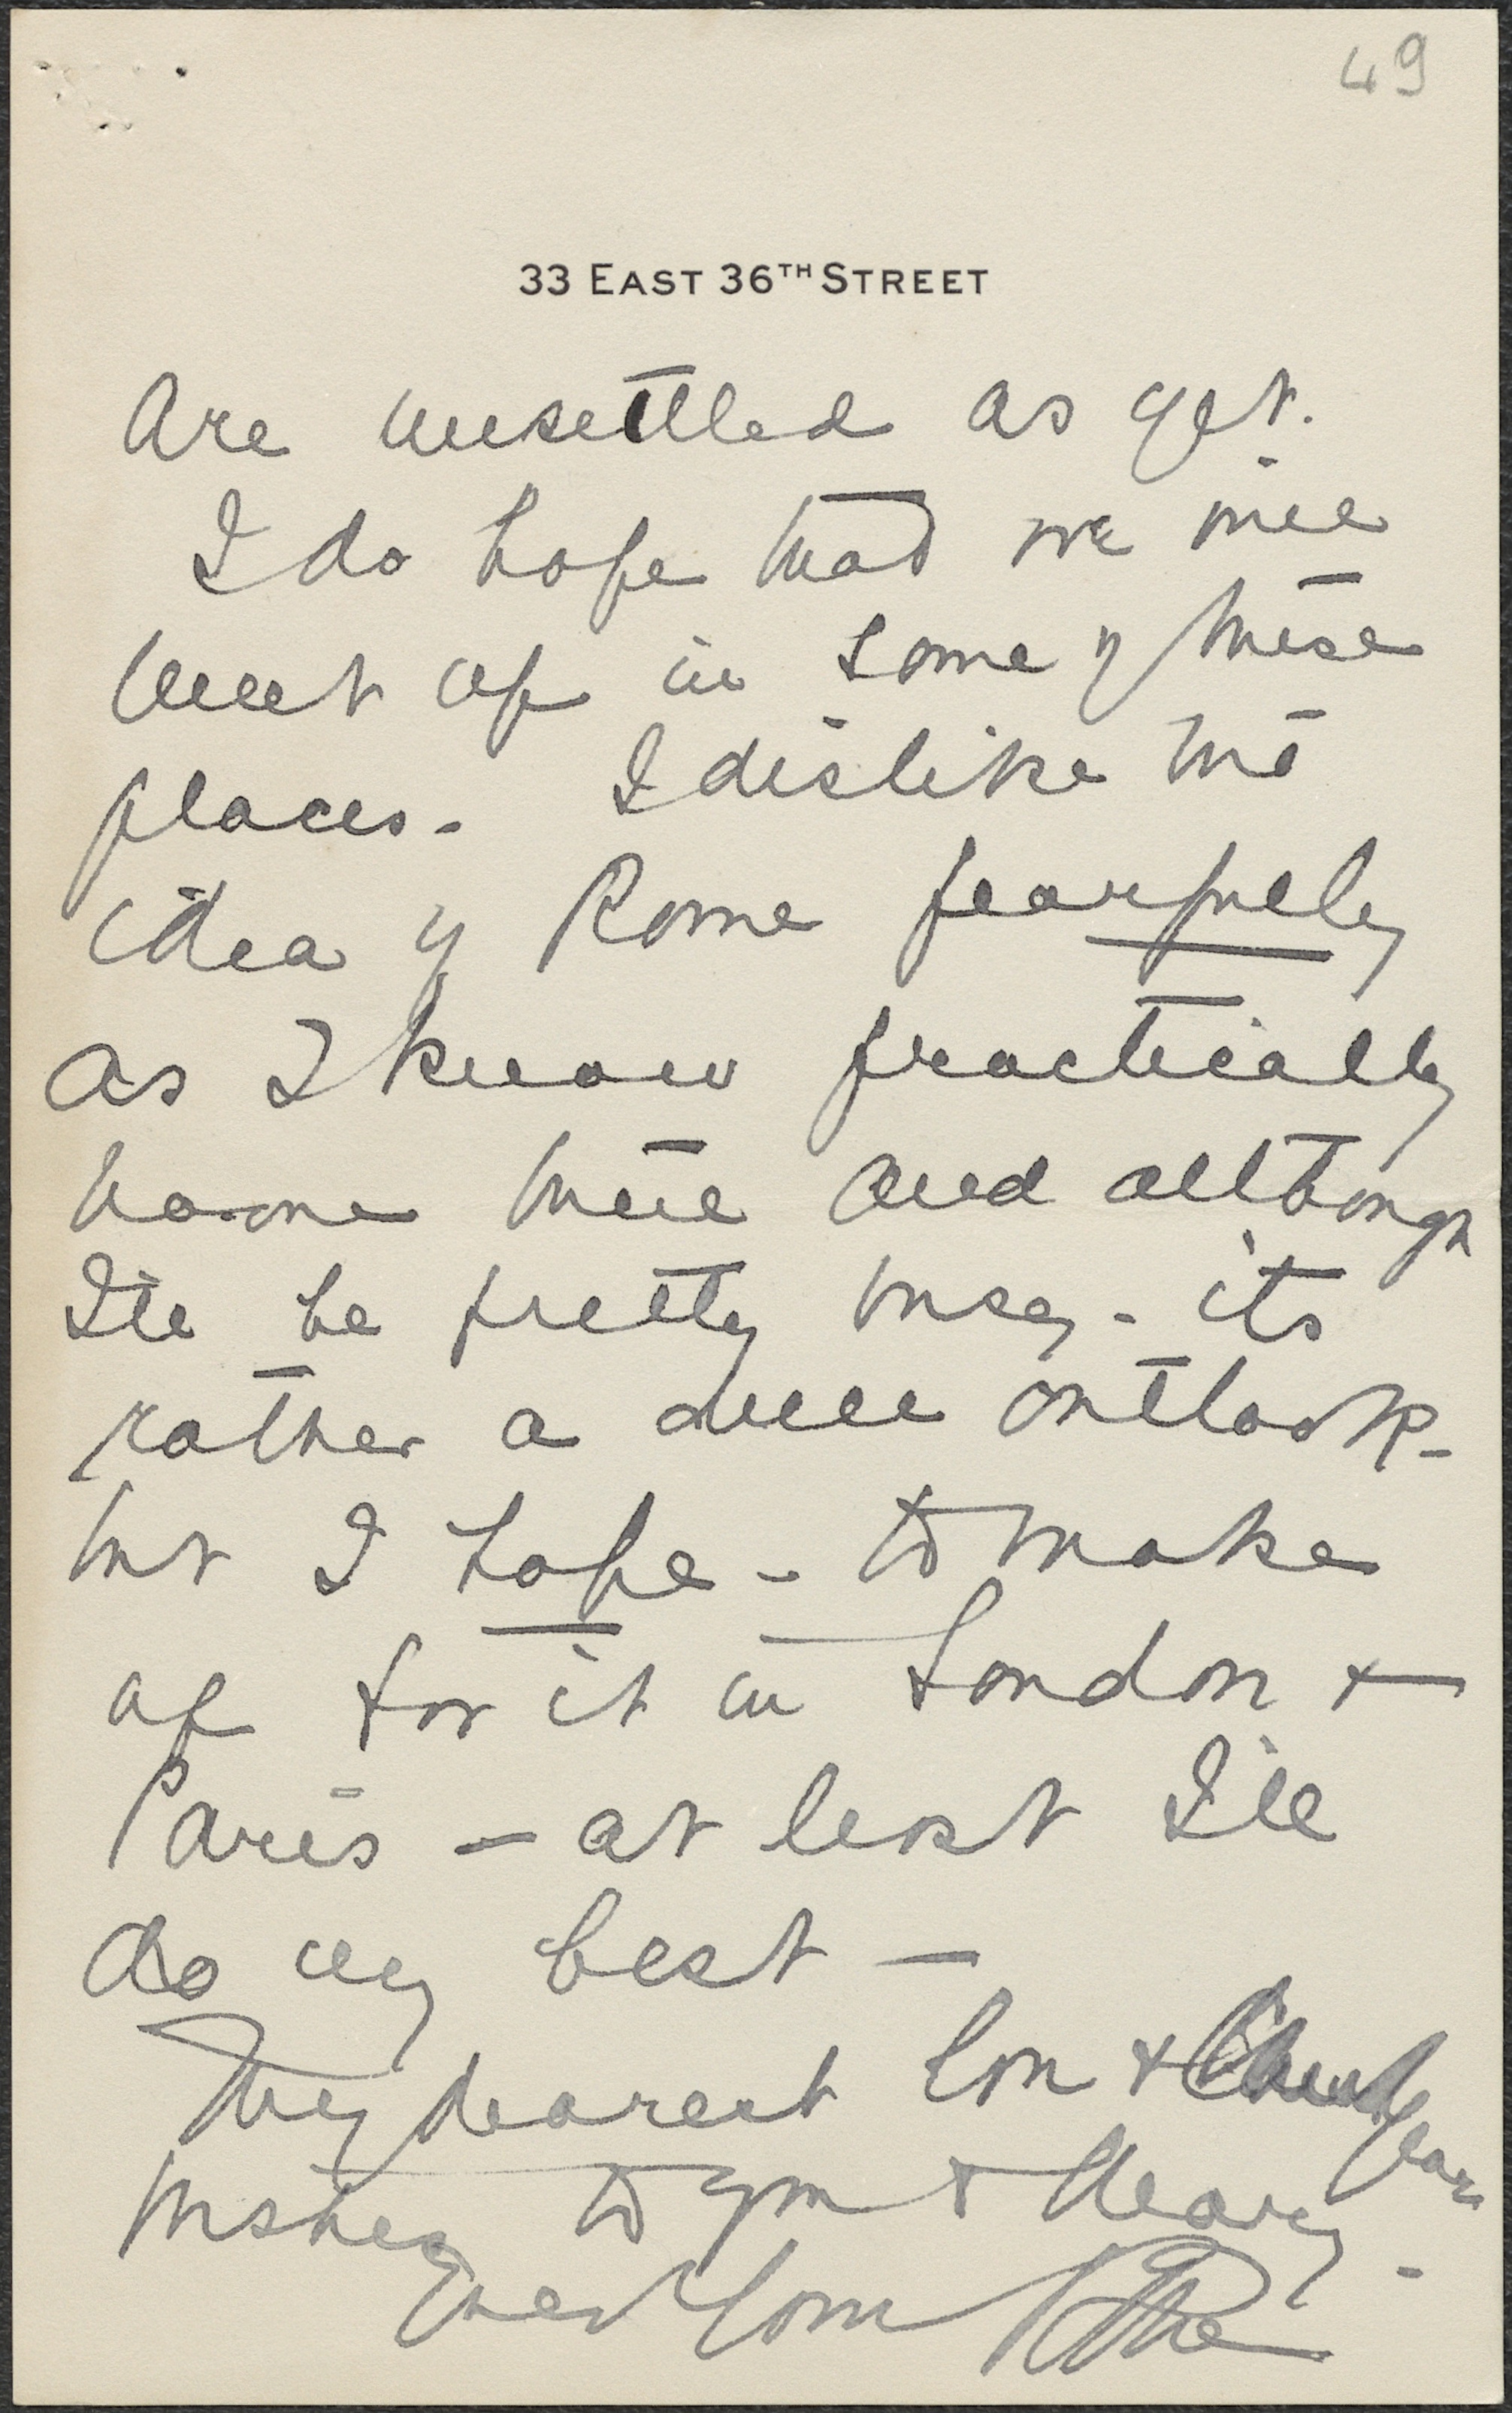are unsettled as yet.
I do hope that we will meet up in some of these places. I dislike the idea of Rome fearfully as I know practically no one there and although I'll be pretty busy, its rather a dull outlook – but I hope – to make up for it in London & Paris – at least I'll do my best –
My dearest love & New Years wishes to you & Mary,
Ever Your Belle